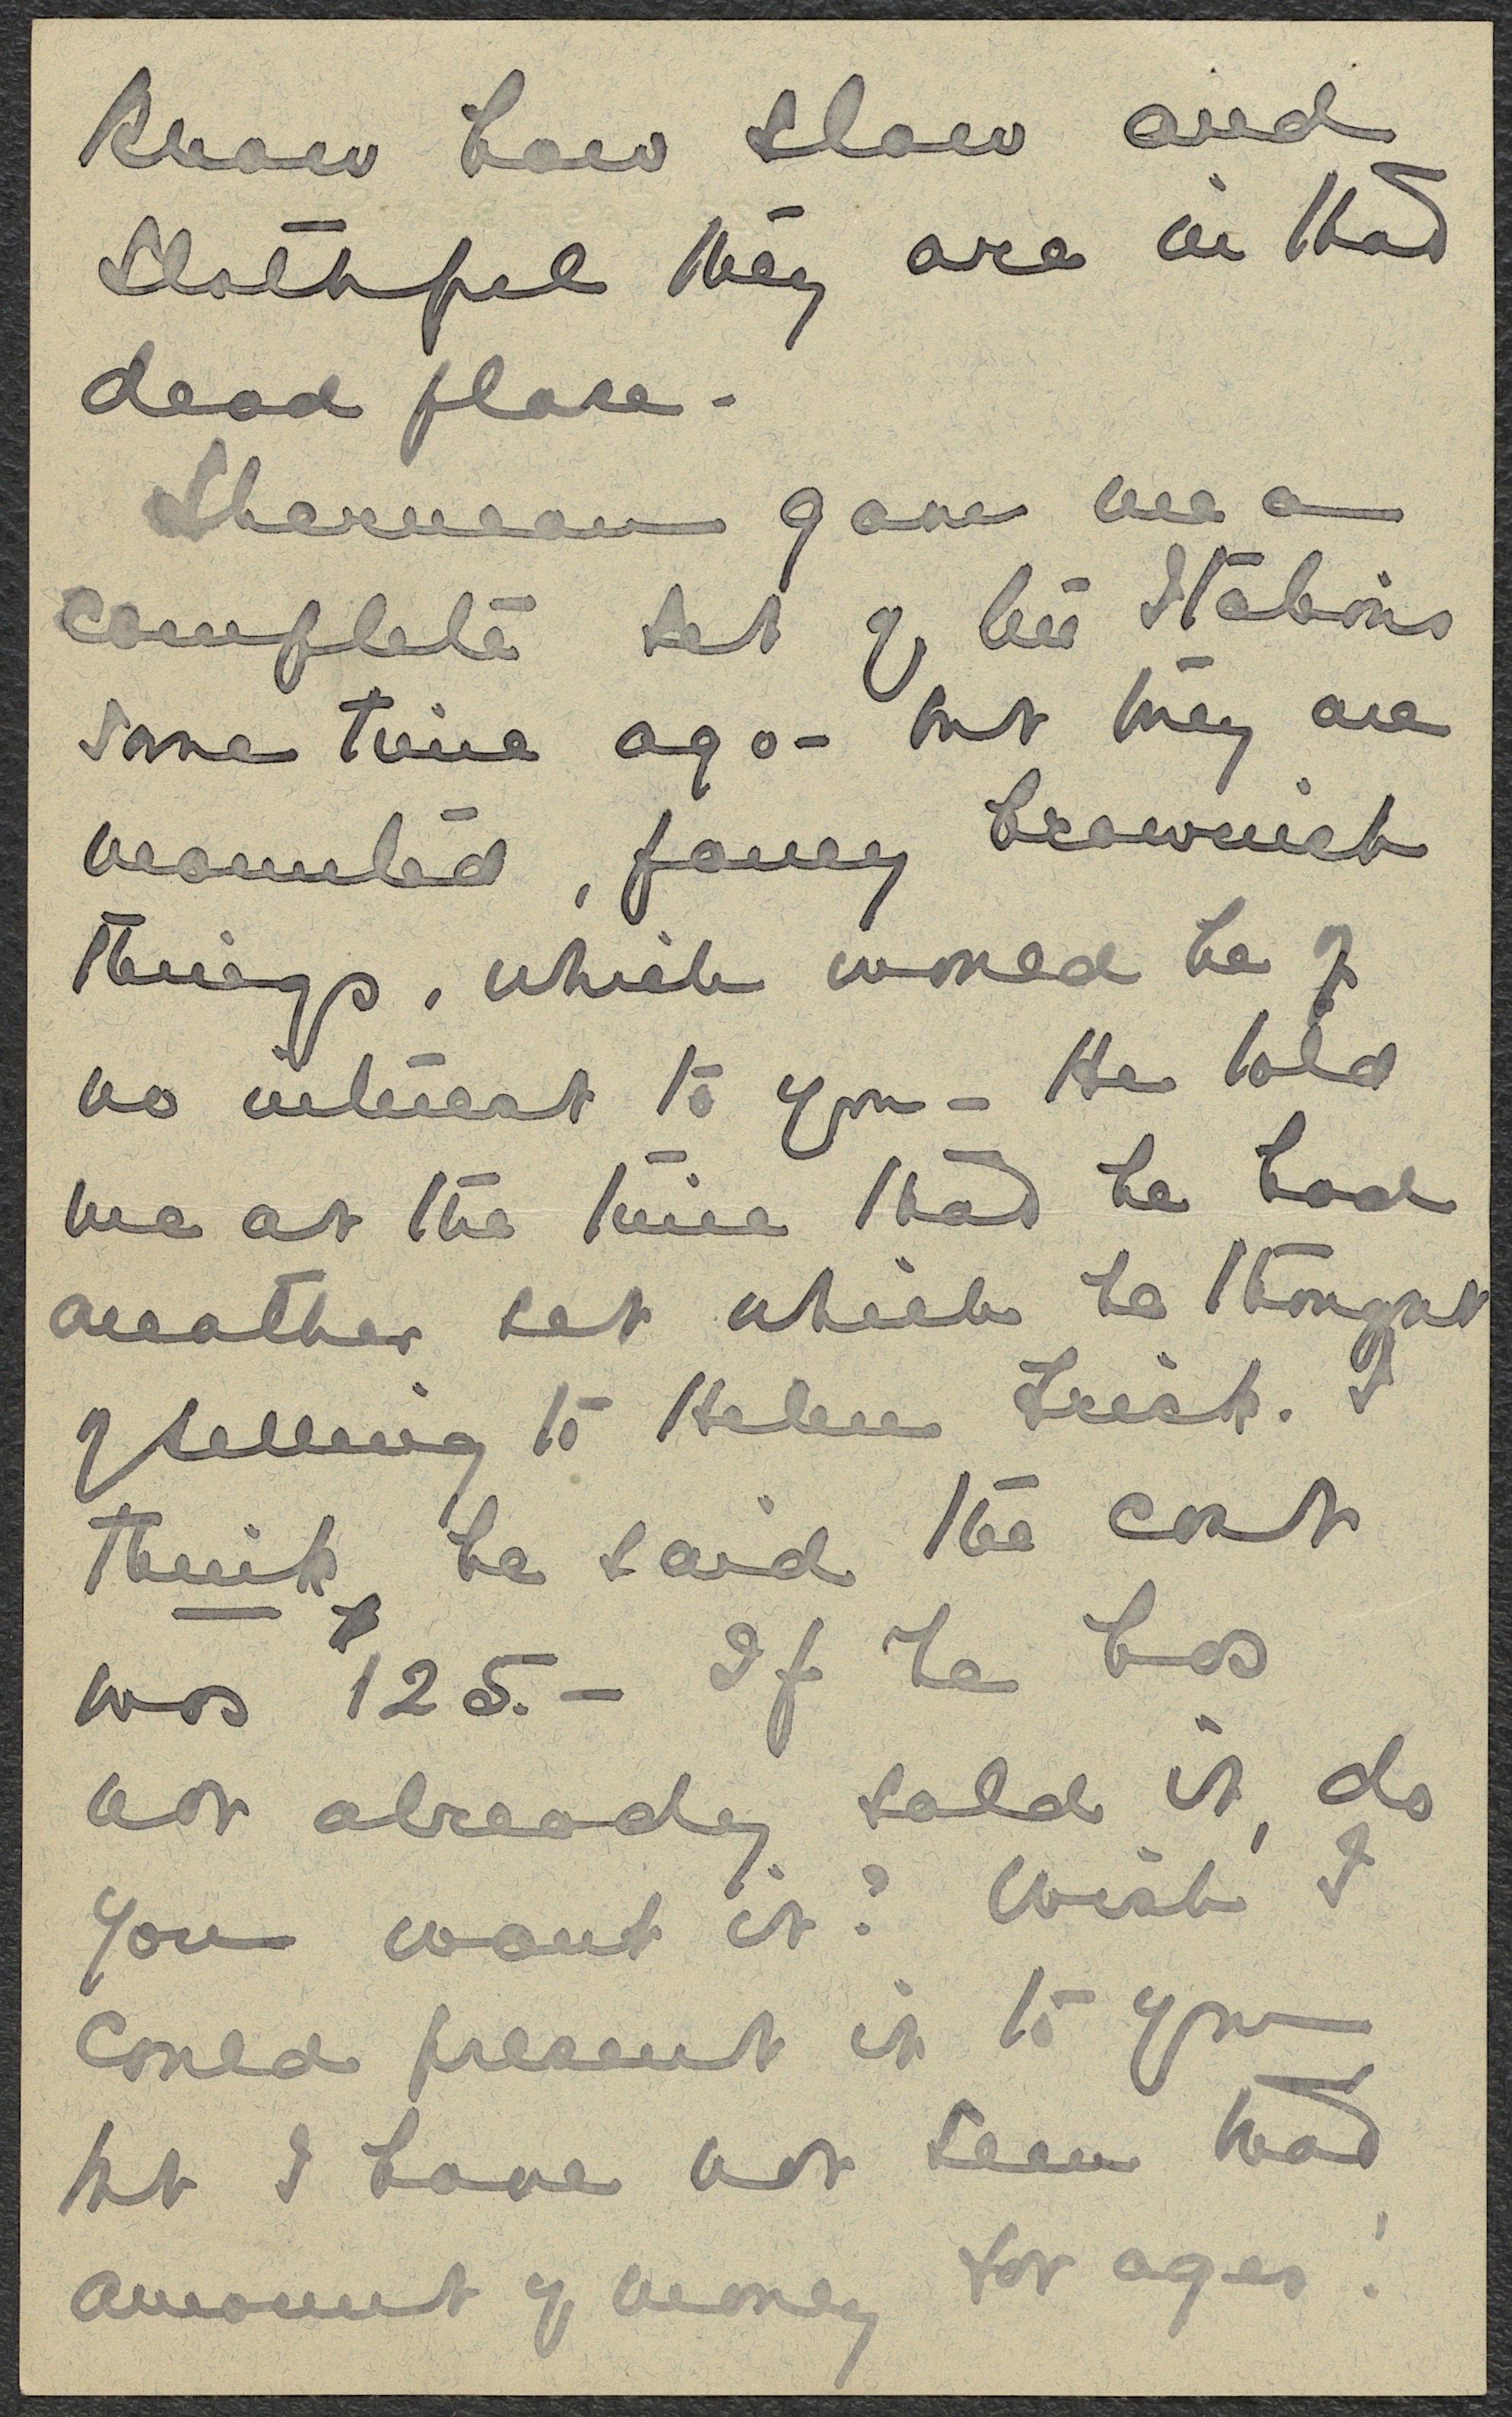know how slow and slothful they are in that dead place –
Sherman gave me a complete set of the Italians some time ago – but they are mounted, fancy brownish things, which would be of no interest to you – He told me at the time that he had another set which he thought of selling to Helen Frick. I think he said the cost was $125. – If he has not already sold it, do you want it? Wish I could present it to you but I have not seen that amount of money for ages!